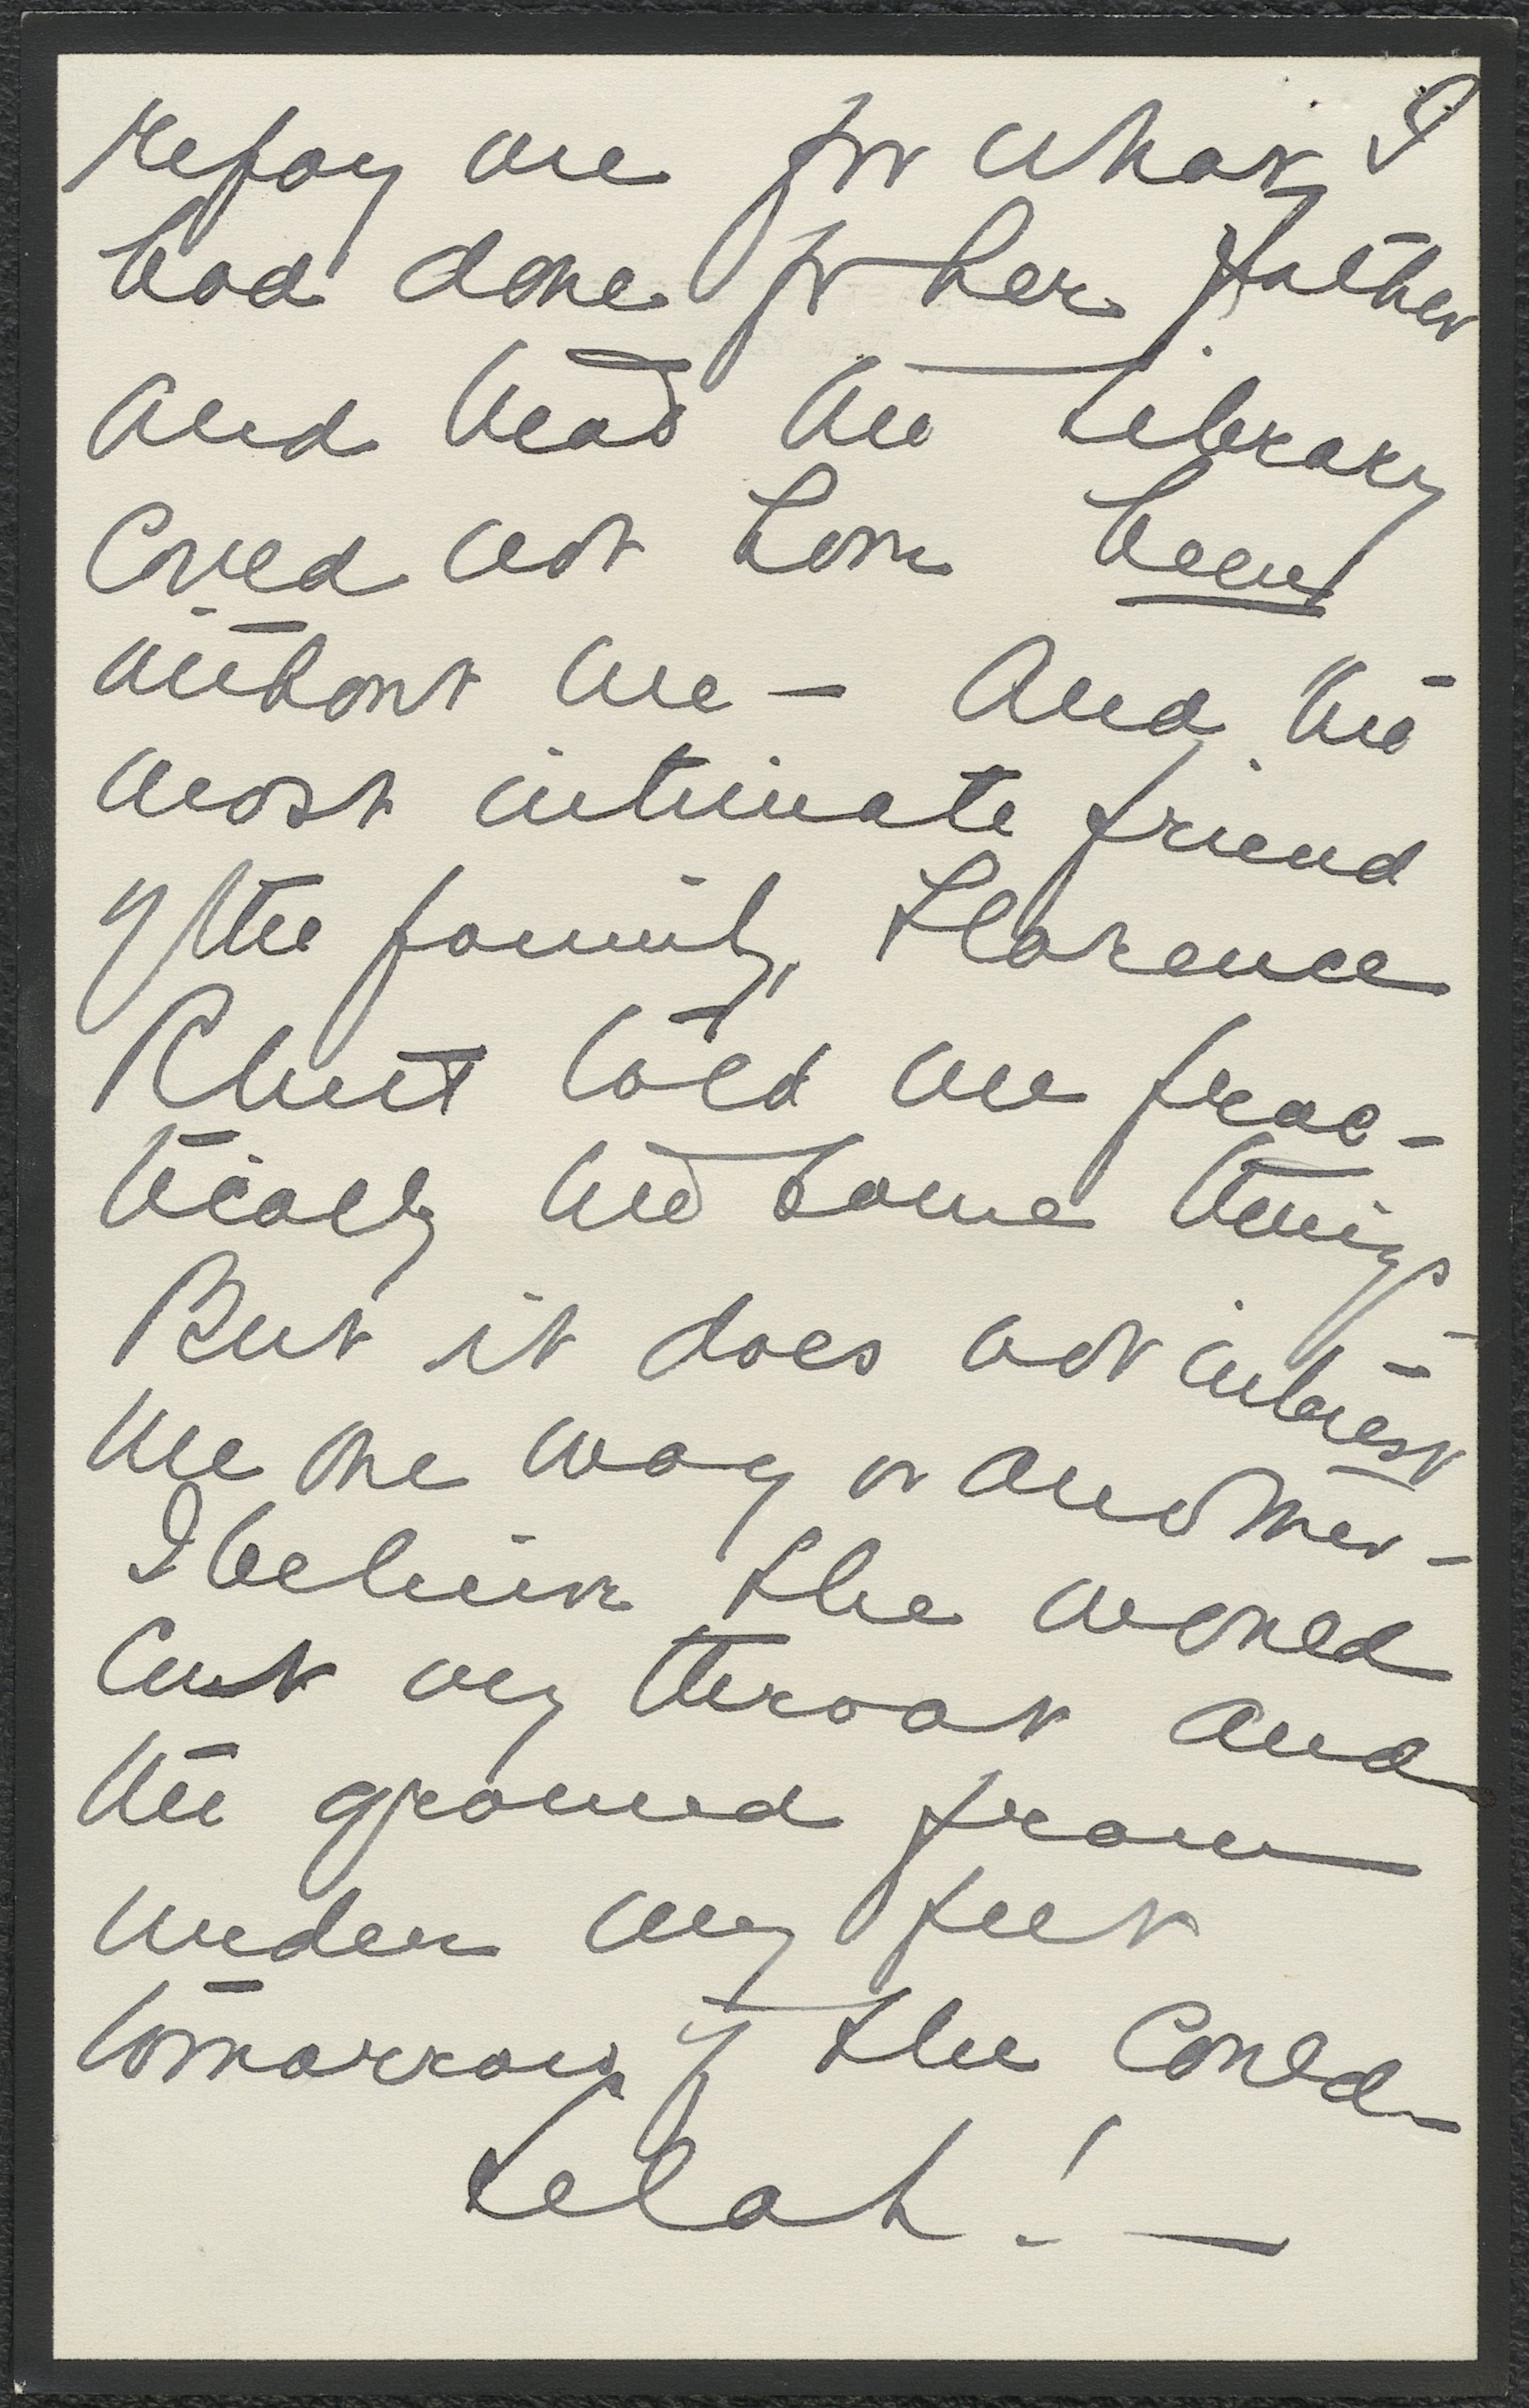repay me for what I had done for her father and that the library could not have been without me – and the most intimate friend of the family, Florence Rhett told me practically the same things – But it does not interest me one way or another – I believe she would cut my throat and the ground from under my feet tomorrow if she could –
Selah! –